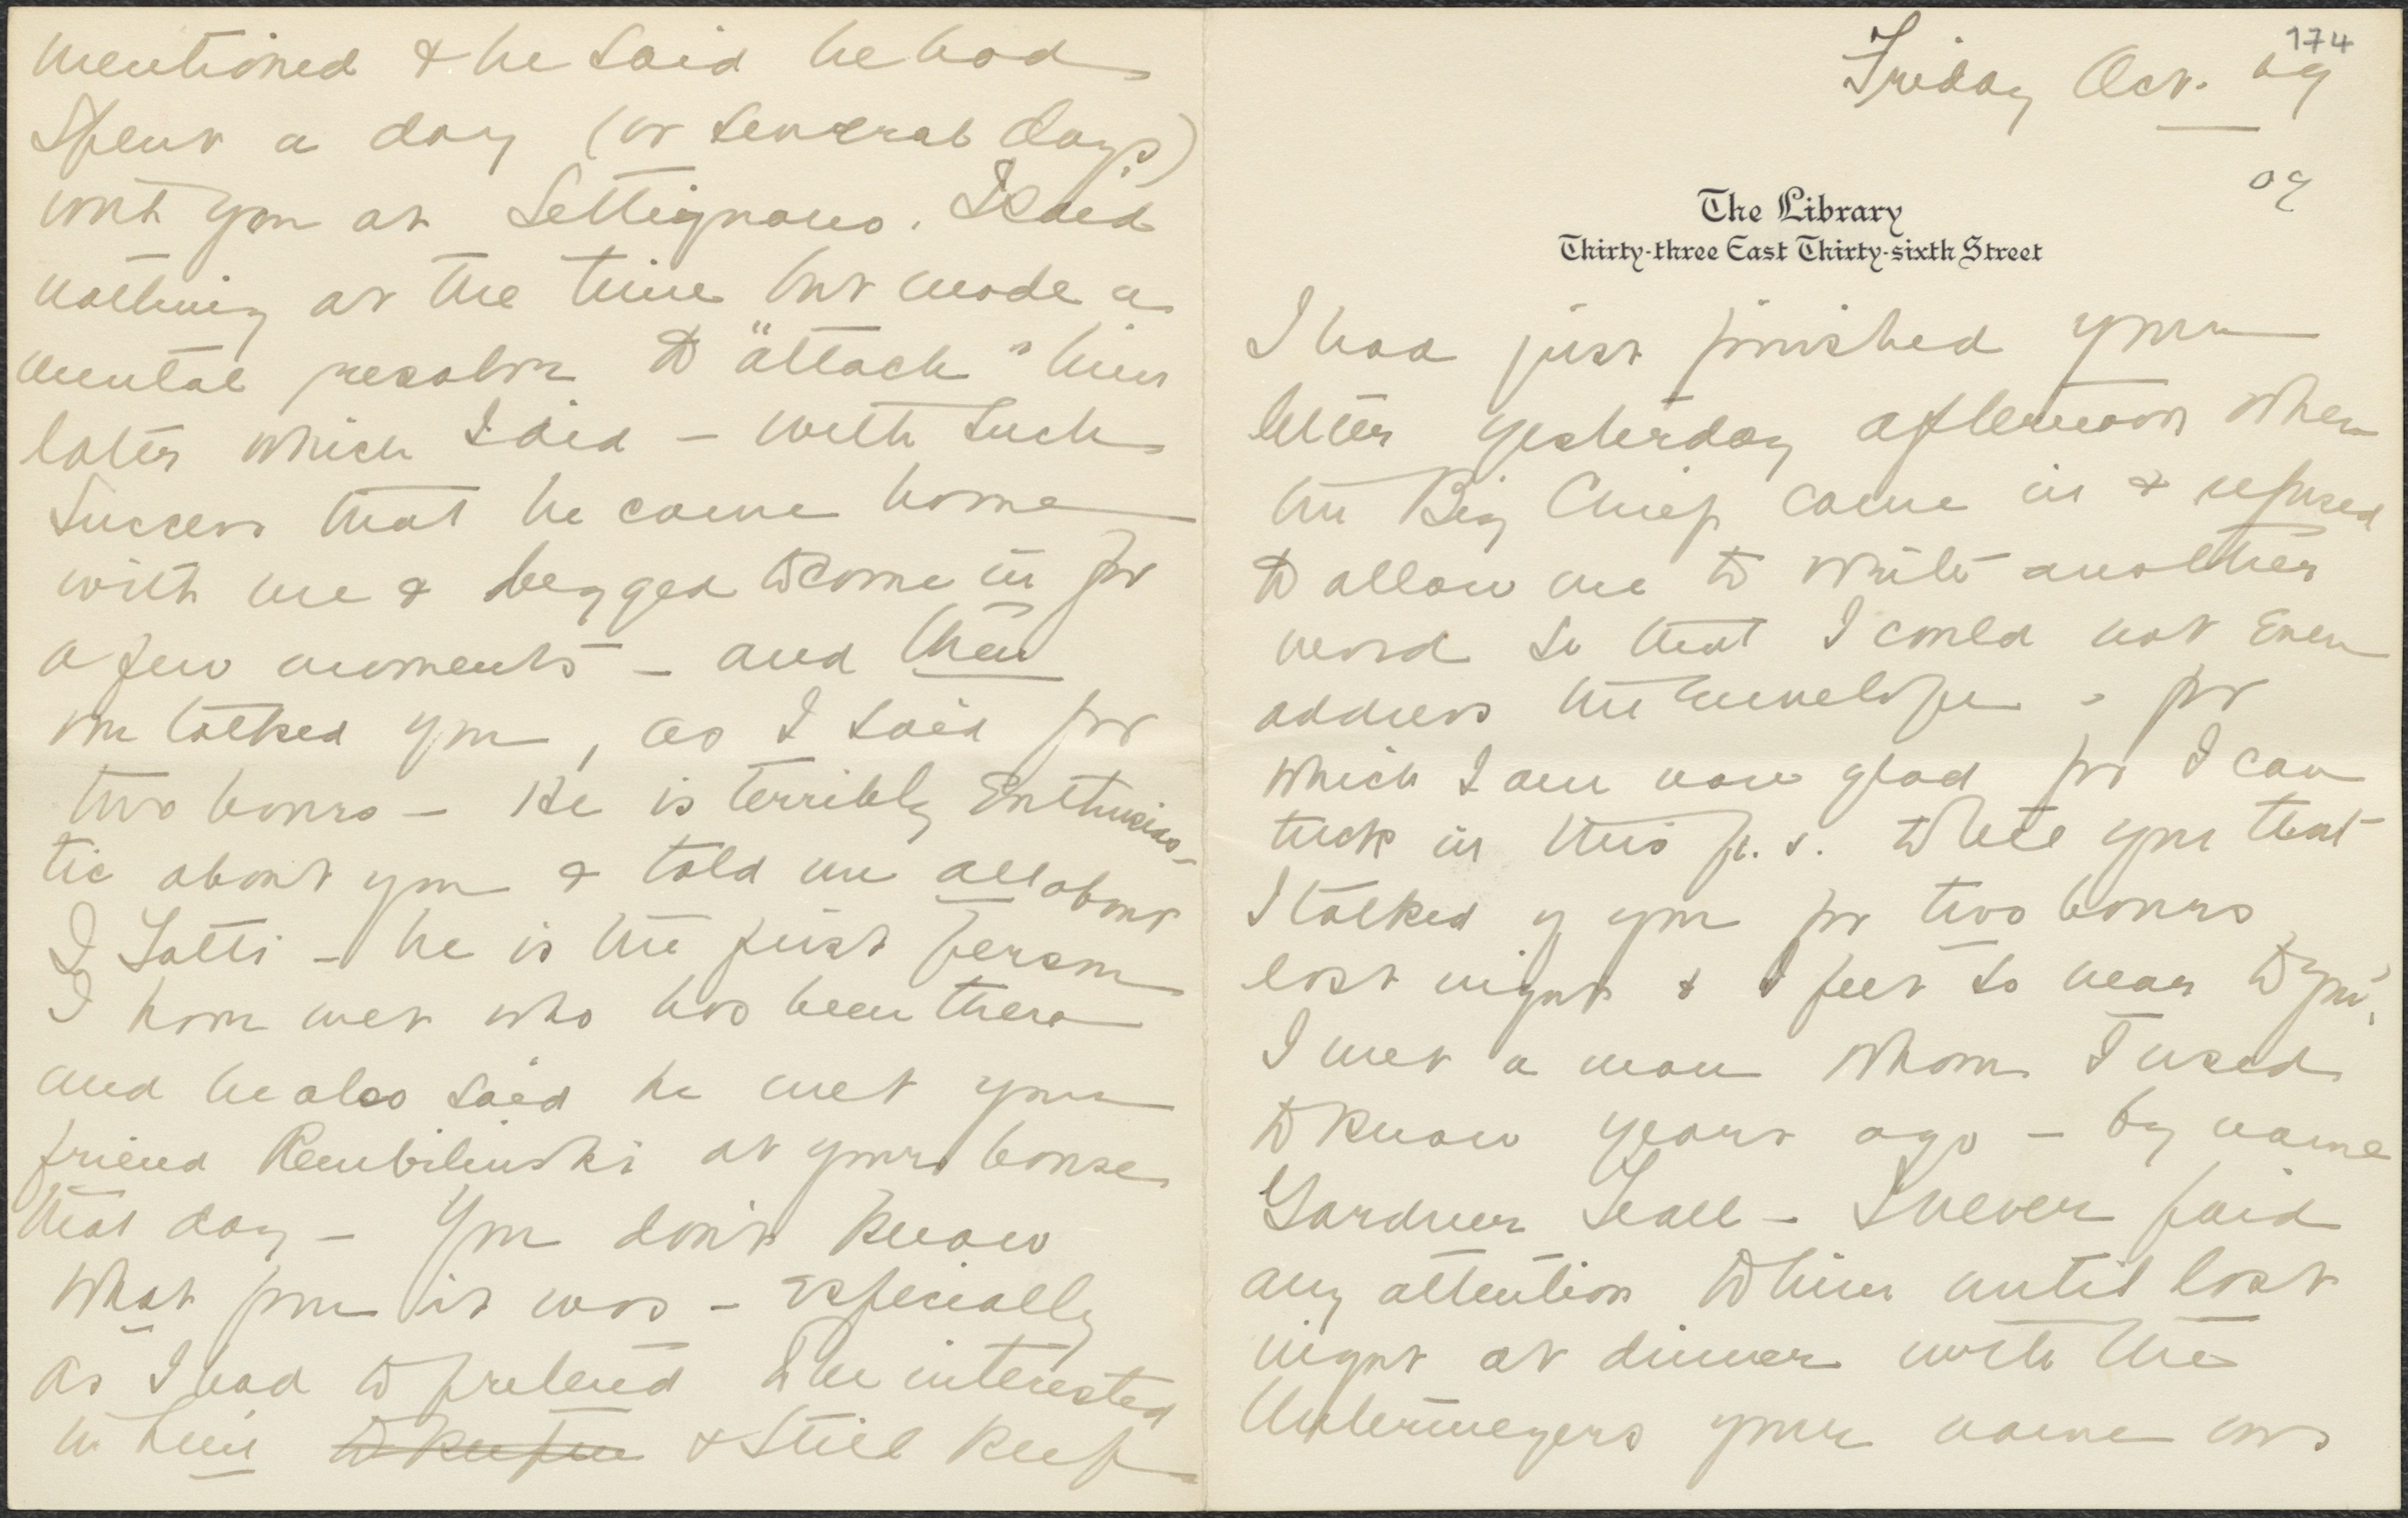Friday Oct. 29
I had just finished your letter yesterday afternoon when the Big Chief came in & refused to allow me to write another word so that I could not even address the envelope – for which I am now glad for I can tuck in this p. s. to tell you that I talked of you for two hours last night & I felt so near to you! I met a man whom I used to know years ago – by name Gardner Teall – I never paid any attention to him until last night at dinner with the Untermeyers your name was
mentioned & he said he had spent a day (or several days) with you at Settignano. I said nothing at the time but made a mental resolve to “attack” him later which I did – with such success that he came home with me & begged to come in for a few moments – and then we talked you, as I said for two hours – He is terribly enthusiastic about you & told me all about I Tatti – he is the first person I have met who has been there and he also said he met your friend Rembilinski at your house that day – You don’t know what fun it was – especially as I had to pretend to be interested in him to keepm & still keep